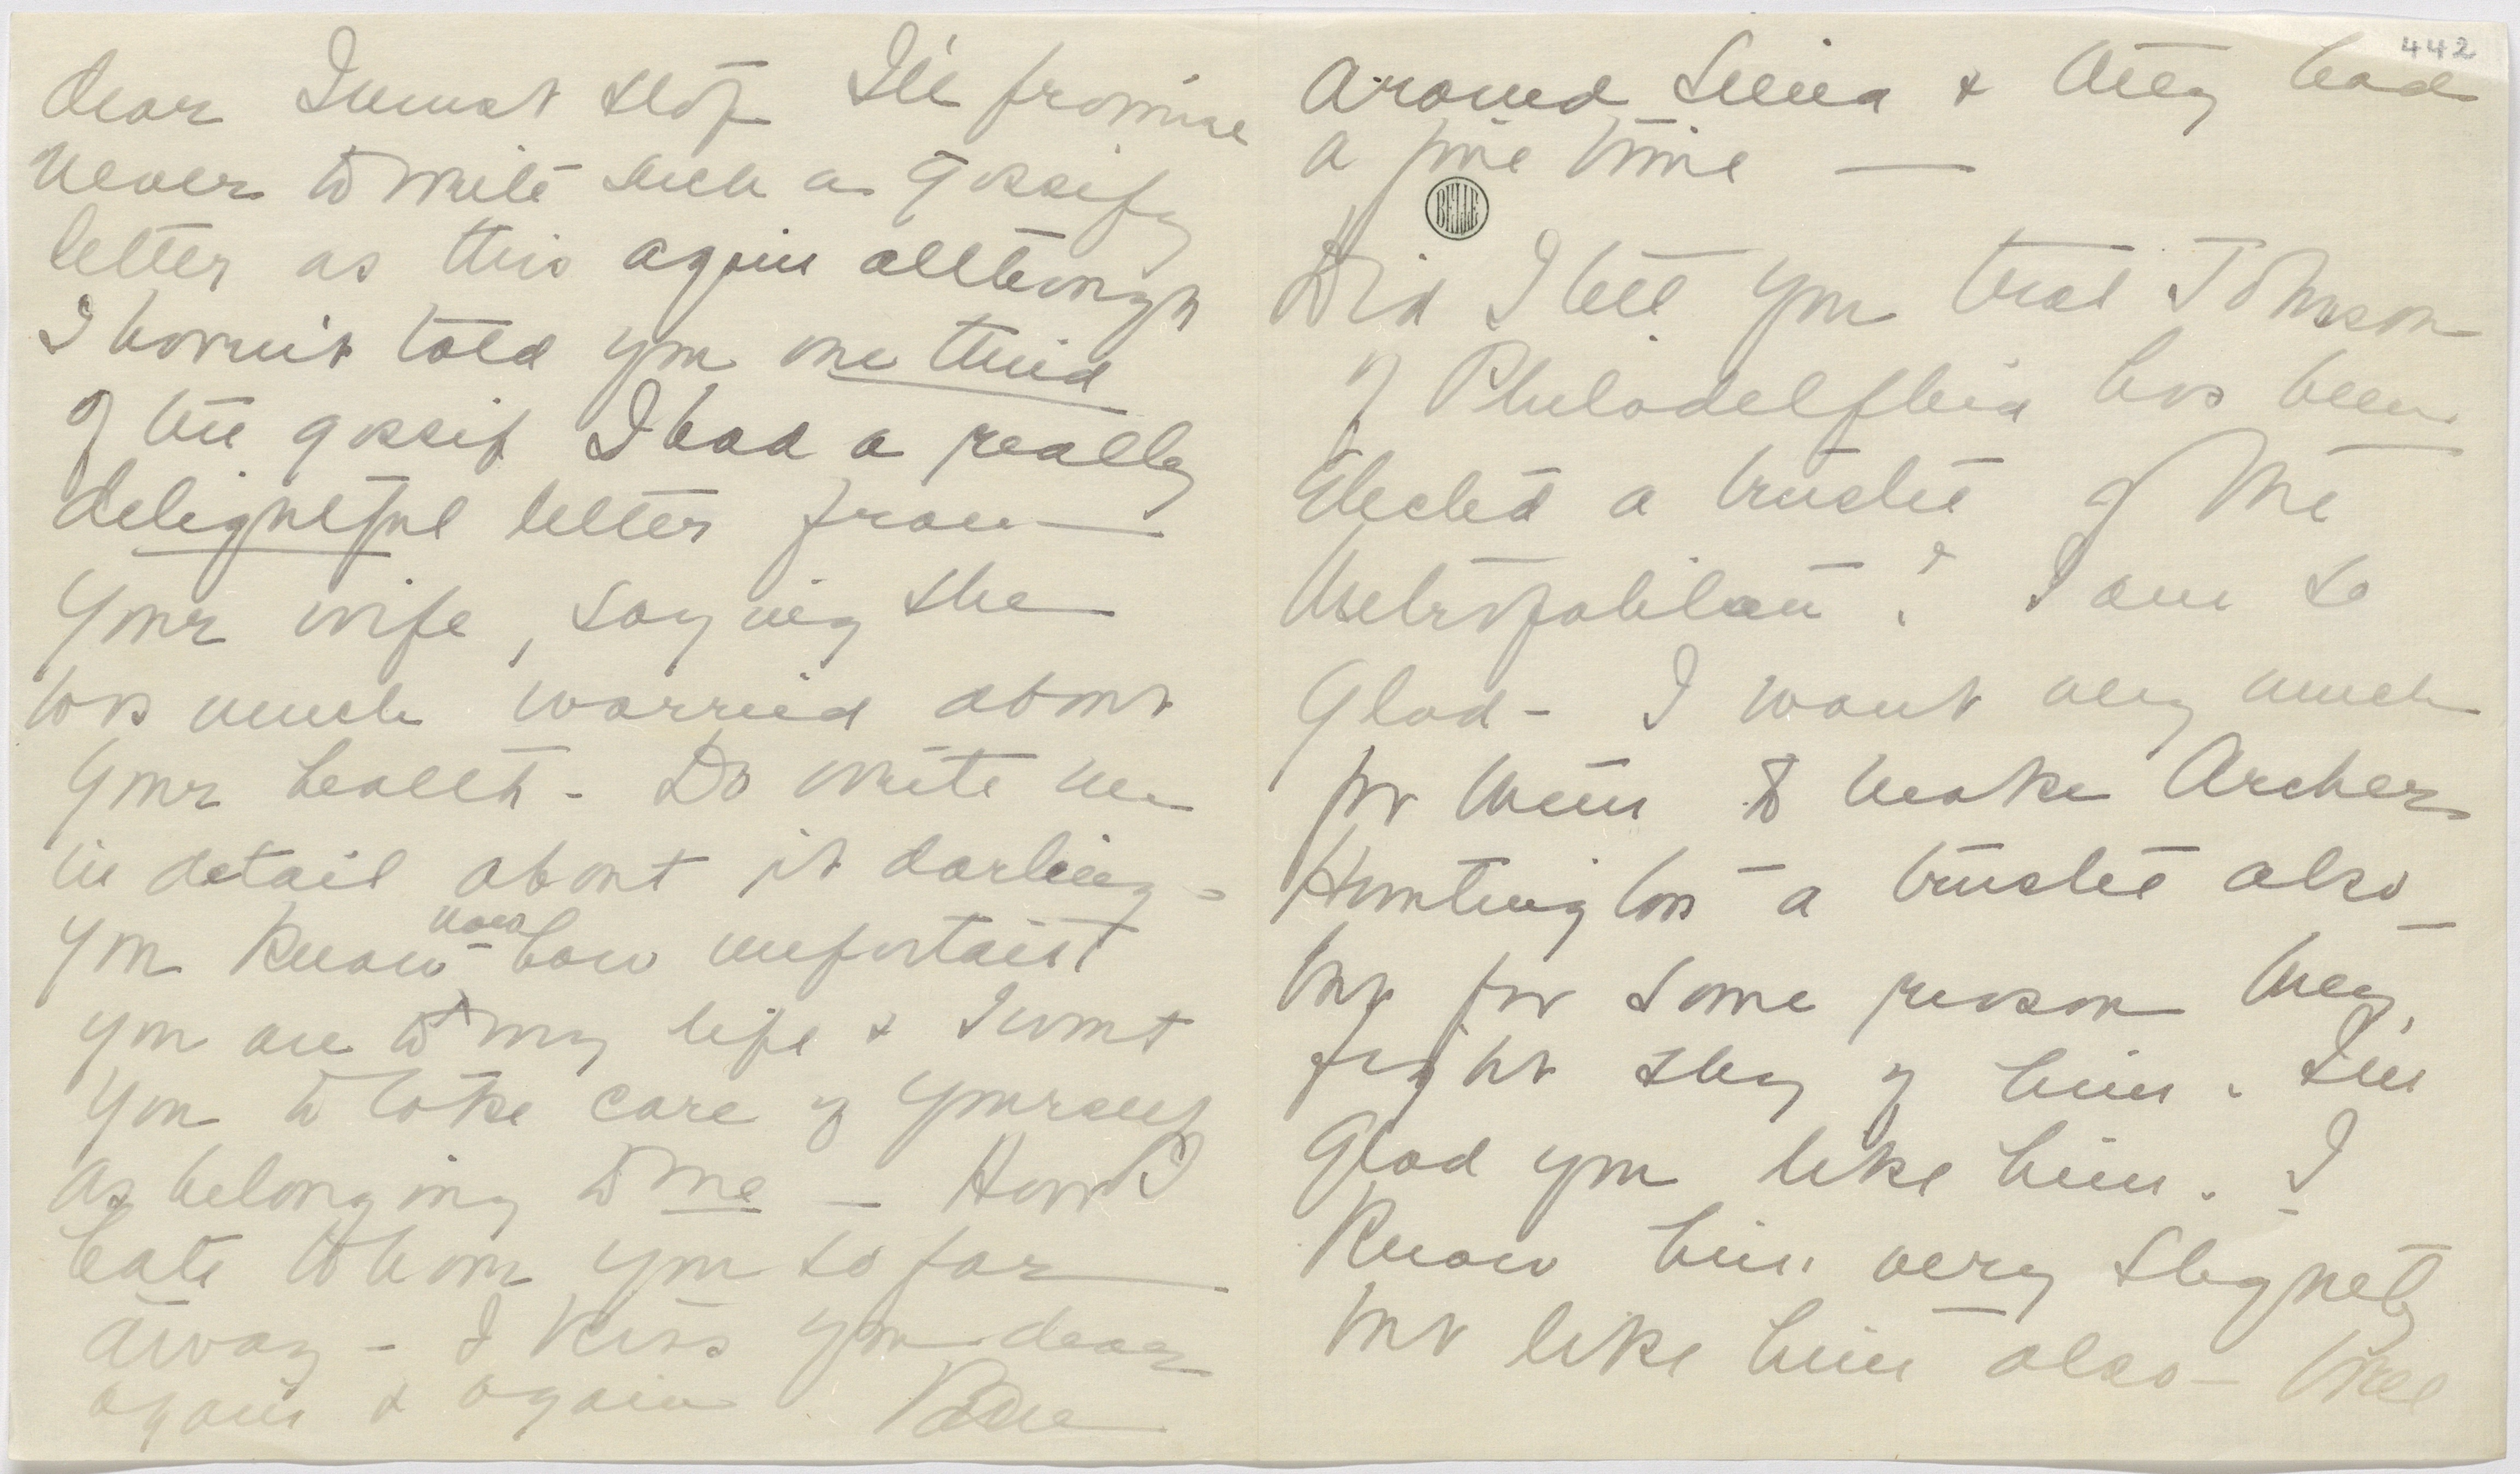around Siena & they had a fine time –
Did I tell you that Johnson of Philadelphia has been elected a trustee of the Metropolitan? I am so glad – I want very much for them to make Archer Huntington a trustee also but for some reason they fight shy of him. I’m glad you like him. I know him very slightly but like him also – Well
dear I must stop I’ll promise never to write such a gossipy letter as this again although I haven’t told you one third of the gossip I had a really delightful letter from your wife, saying she was much worried about your health – Do write me in detail about it darling – you know [^now^] how important you are to my life & I want you to take care of yourself as belonging to me – How I hate to have you so far away – I kiss you dear again & again. Belle